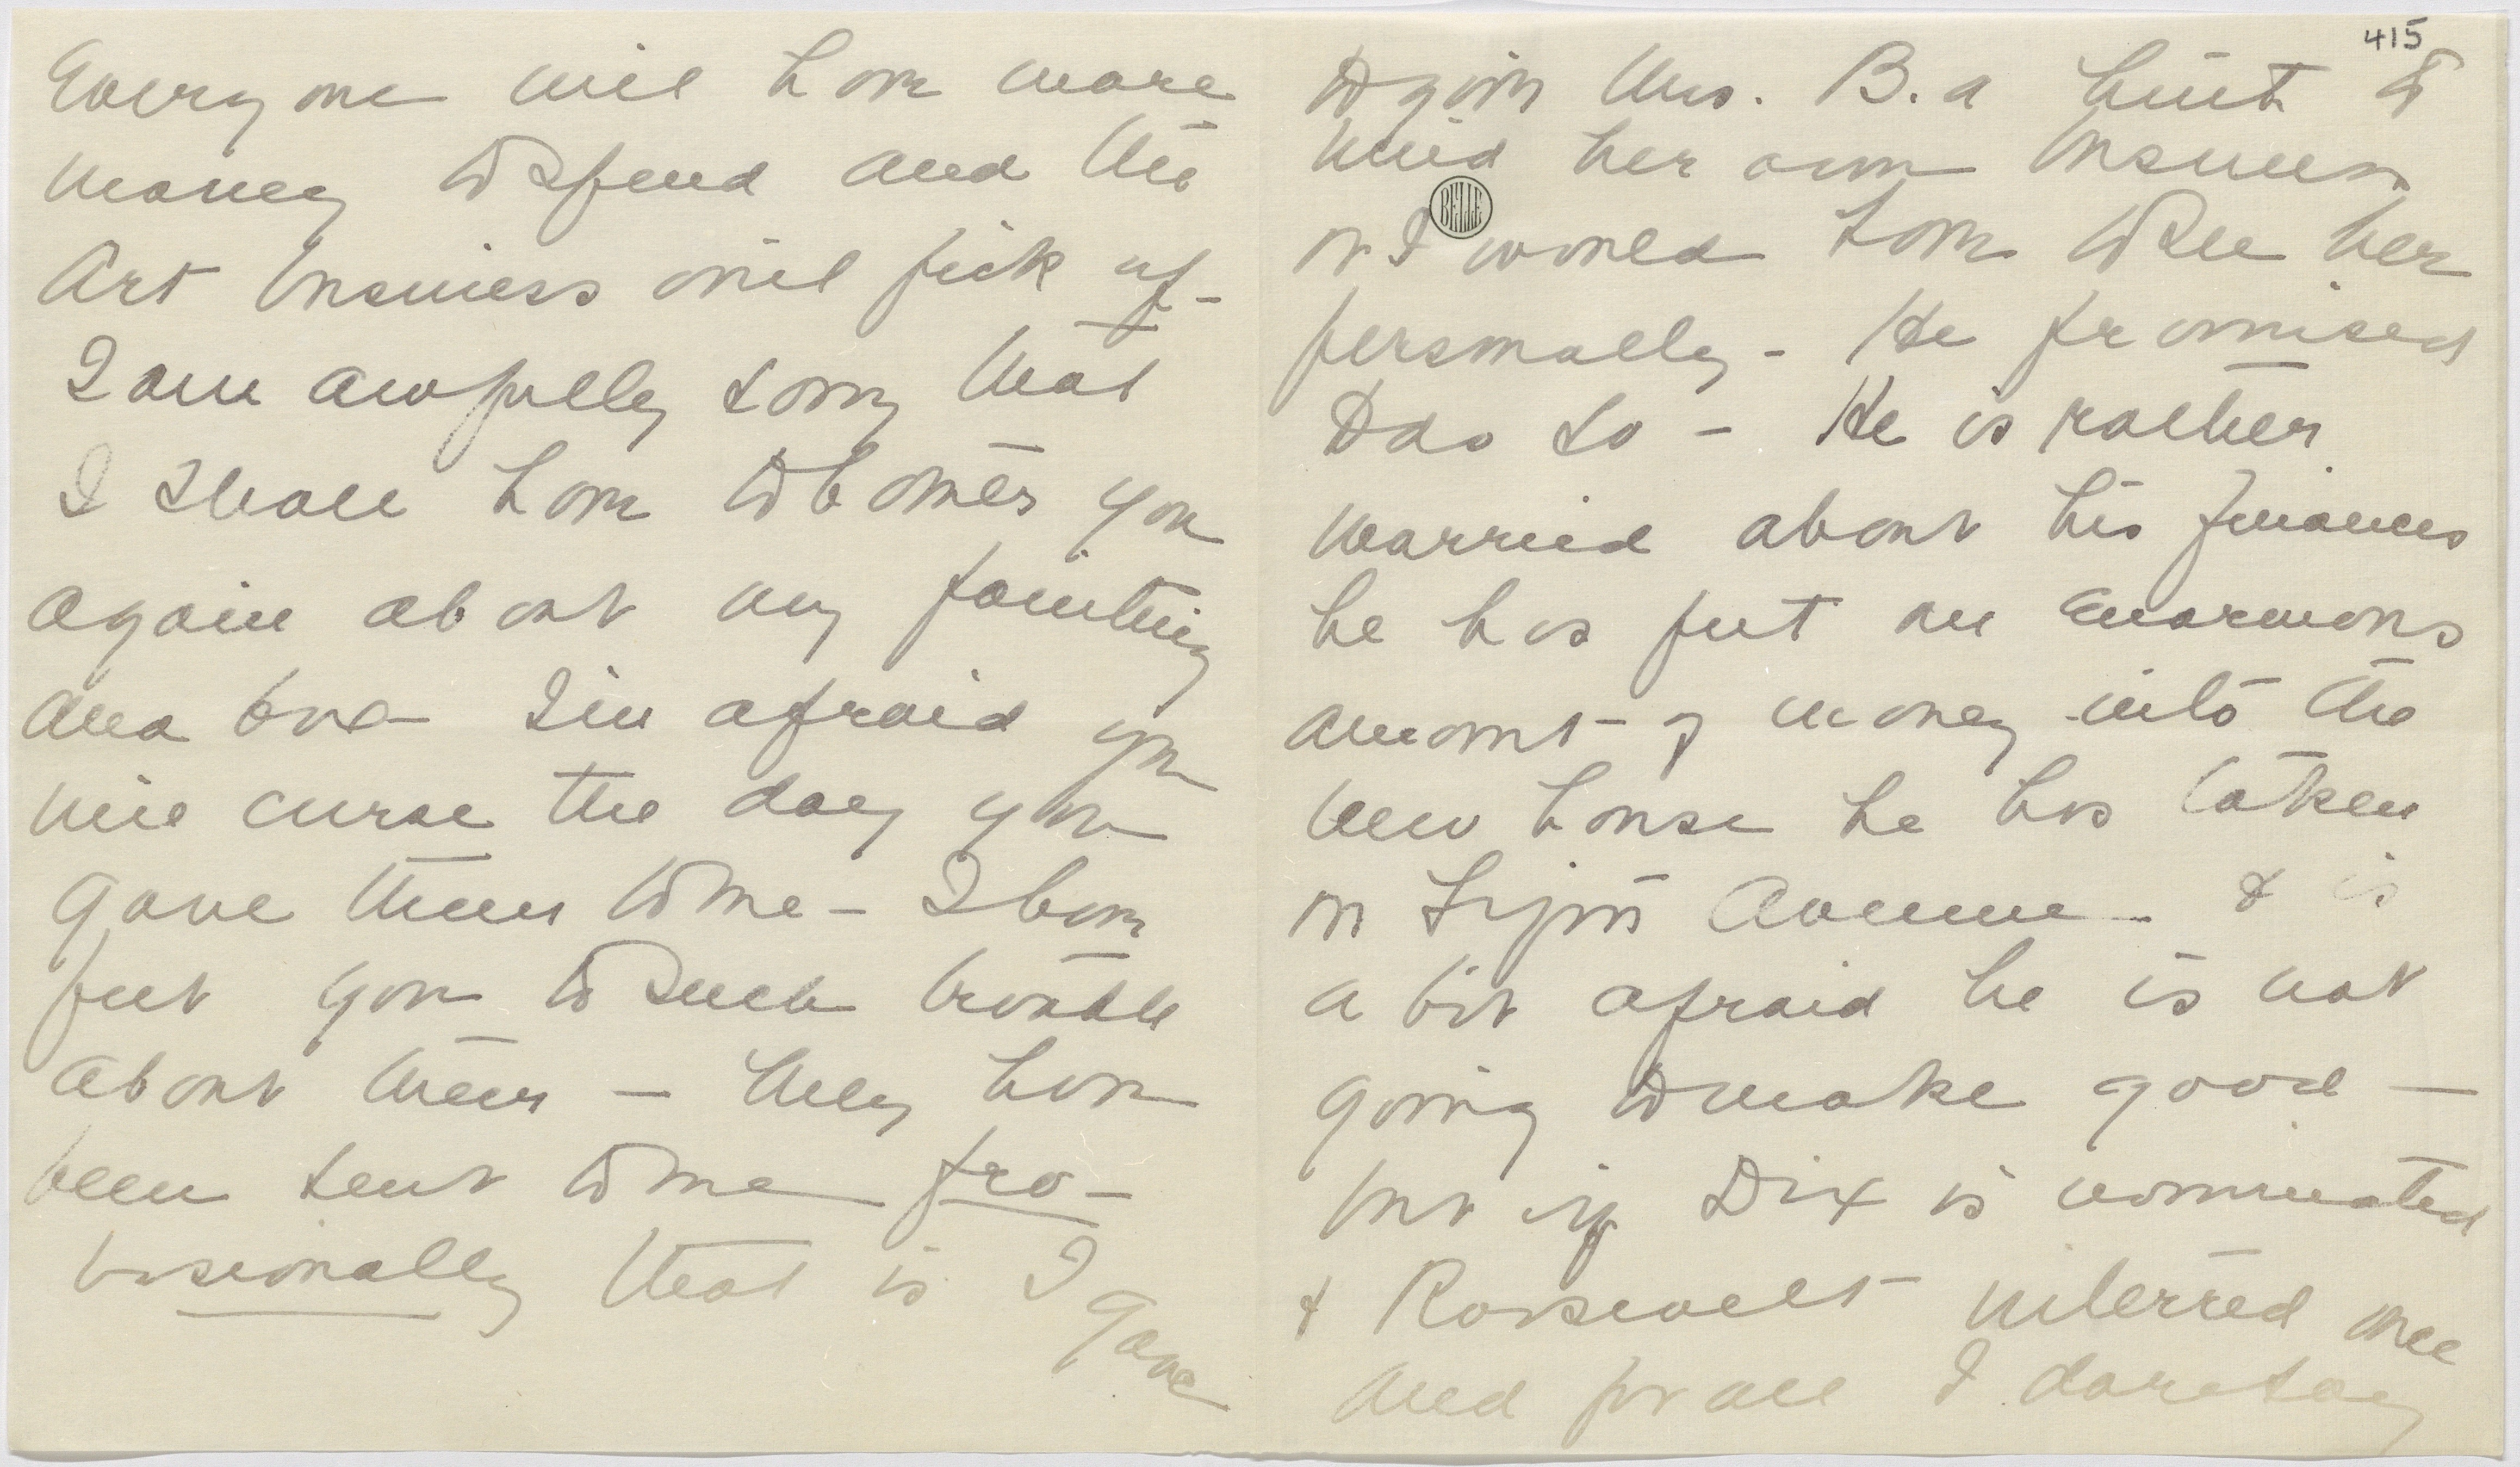to give Mrs. B. a hint to mind her own business or I would have to see her personally – He promised to do so – He is rather worried about his finances he has put an enormous amount of money into the new house he has taken on Fifth Avenue & is a bit afraid he is not going to make good – but if Dix is nominated & Roosevelt interred once and for all I daresay
everyone will have more money to spend and the Art business will pick up –
I am awfully sorry that I shall have to bother you again about my painting and box – I’m afraid you will curse the day you gave them to me – I have put you to such trouble about them – They have been sent to me provisionally that is I gave